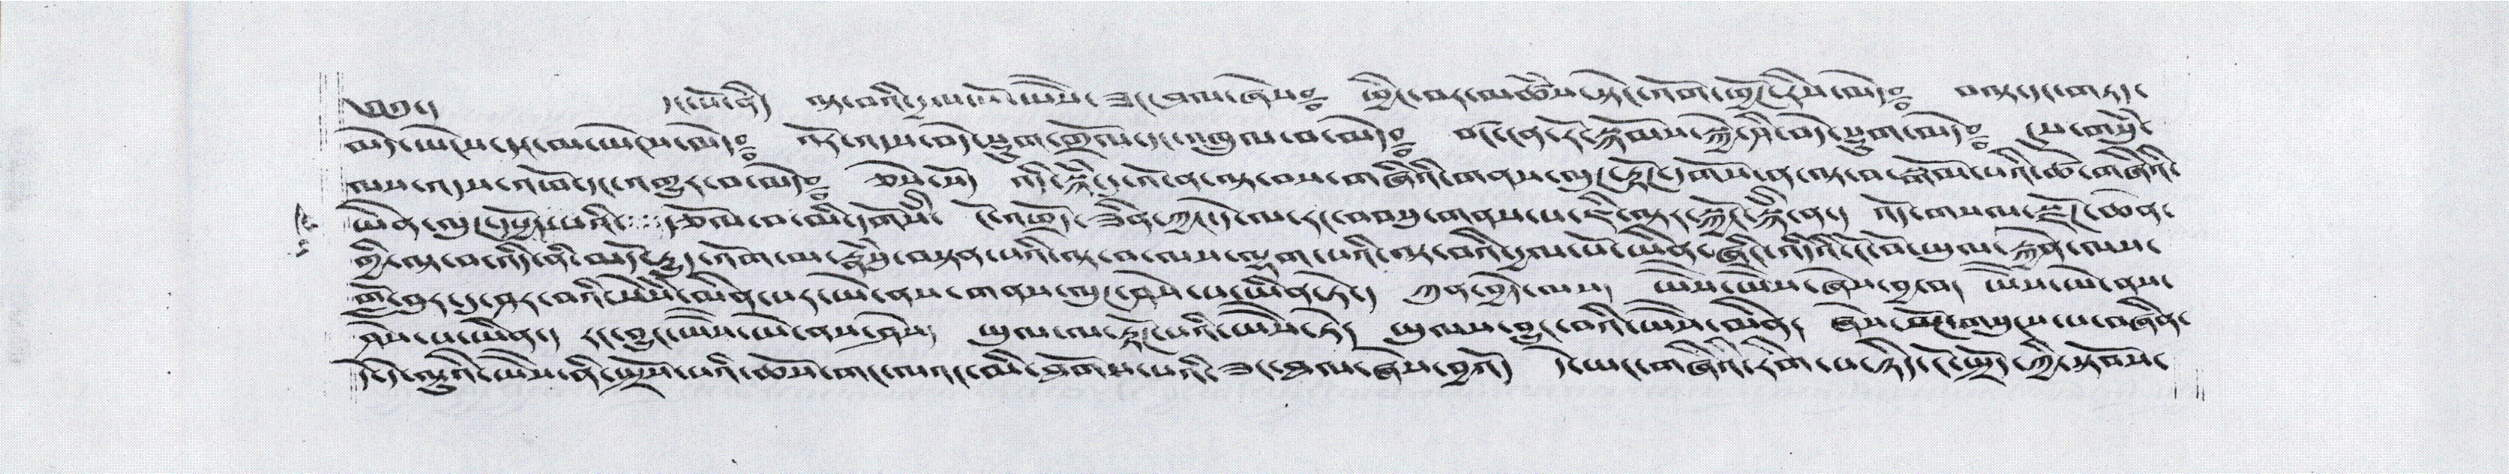དང་པོ་ནི། ལྟ་བའི་རྒྱལ་པོ་ཡེ་ཤེས་ཟང་ཐལ་ཞེསཿ ཕྱི་ནང་བར་མཚམས་སྟེང་འོག་ཕྱོགས་རིས་མེདཿ བལྟ་དང་གཏད་
མེད་ཡེངས་དང་མ་ཡེངས་མེདཿ འཁོར་འདས་བདེ་སྡུག་གྲོལ་དང་འཁྲུལ་པ་མེདཿ བཟང་ངན་རོ་སྙོམས་སྐྱེ་ཤི་བདེ་སྡུག་མེདཿ དུས་གསུམ་
ལས་འདས་འཕོ་དང་འགྱུར་བ་མེདཿ ཅེས་སོ། འདི་སྙམ་དུ་འོ་ན་ལྟ་བས་གཞིའི་གནས་ལུགས་རྟོགས་དགོས་ན་ལྟ་བ་བསྒོམ་པའི་ཚེ་གཞིའི་
ཡིན་ལུགས་དཔྱོད་པའི་རྩོལ་བ་མི་དགོས་སམ། ངོ་འཕྲོད་ཟིན་ཀྱང་དེ་ལ་རང་བབས་སུ་གནས་པ་ཇི་ལྟར་སྐྱོང་སྙམ་ན། འོད་གསལ་རྫོགས་ཆེན་
གྱི་ལྟ་བ་འདི་ནི་མདོ་རྒྱུད་འོག་མ་རྣམས་སུ་བསྟན་པའི་ལྟ་བ་ལས་ལྷག་པའི་ལྟ་བའི་རྒྱལ་པོ་འདིའི་ངོ་བོ་ཡུལ་རྐྱེན་ལས་འདས་
གློ་བུར་དུ་ཤར་བའི་སེམས་མིན་པར་ཡེ་ནས་གནས་ལུགས་ཤེས་པ་ཡིན་ཏེ། ཀུན་བྱེད་ལས། ཡེ་ཤེས་ཡེ་ཤེས་ཞེས་བྱ་བ། ཡེ་ཤེས་ཡེ་ནས་
ཤེས་པ་ཡིན། རང་བྱུང་ཡེ་ཤེས་ཡེ་ནས་ཤེས། ཡུལ་ལ་རྟོགས་པའི་ཡེ་ཤེས་ཏེ། ཡུལ་ལས་བྱུང་བའི་ཡེ་ཤེས་མིན། ཞེས་སོགས་གསུངས་པ་བཞིན། 
དེ་དེ་ལྟ་བུའི་ཡེ་ཤེས་ནི་སྤྲོས་པའི་ཆོས་གང་ལའང་མི་ཐོགས་པའི་ཟང་ཐལ་ཞེས་བྱའོ། དེ་ཡང་གཞིའི་རིག་པ་ཉིད་ངོ་སྤྲོད་ཀྱི་སྟོབས་